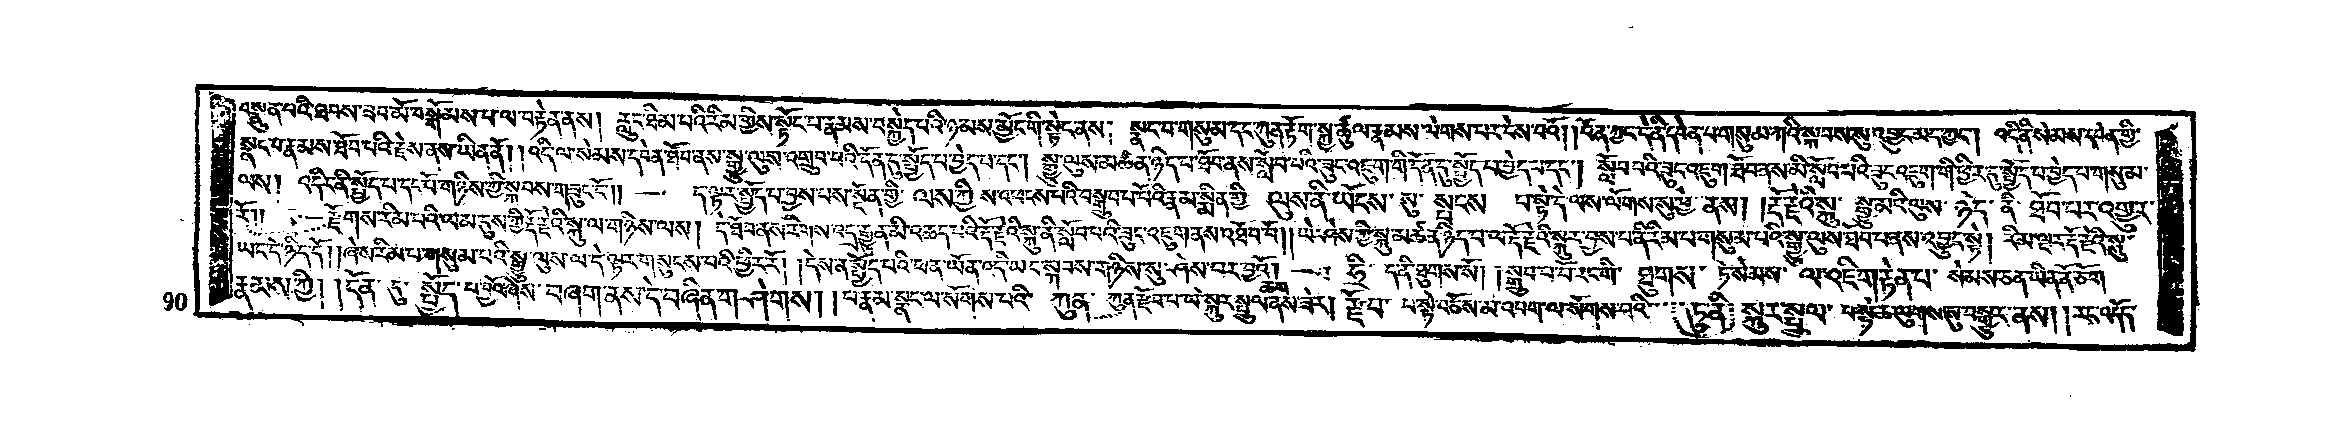བསྣུན་པའི་ཐབས་ཟབ་མོ་བསྒོམས་པ་ལ་བརྟེན་ནས། རླུང་ཐིམ་པའི་རིམ་གྱིས་སྟོང་པ་རྣམས་བསྐྱེད་པའི་ཉམས་མྱོང་གི་སྟེང་ནས། སྣང་བ་གསུམ་དང་ཀུན་རྟོག་སྐྱེ་ཚུལ་རྣམས་ལེགས་པར་ངེས་པའོ། །འོན་ཀྱང་དེ་ནི་དབེན་པ་གསུམ་ཀའི་སྐབས་སུ་འབྱུང་མེད་ཀྱང་། འདི་ནི་སེམས་དབེན་གྱི་
སྣང་བ་རྣམས་ཐོབ་པའི་རྗེས་ནས་ཡིན་ནོ། །འདི་ལ་སེམས་དབེན་ཐོབ་ནས་སྒྱུ་ལུས་འགྲུབ་པའི་དོན་དུ་སྤྱོད་པ་བྱེད་པ་དང་། སྒྱུ་ལུས་མཚན་ཉིད་པ་ཐོབ་ནས་སློབ་པའི་ཟུང་འཇུག་གི་དོན་དུ་སྤྱོད་པ་བྱེད་པ་དང་། སློབ་པའི་ཟུང་འཇུག་ཐོབ་ནས་མི་སློབ་པའི་ཟུང་འཇུག་གི་ཕྱིར་དུ་སྤྱོད་པ་བྱེད་པ་གསུམ་
ལས། འདིར་ནི་སྤྱོད་པ་དང་པོ་གཉིས་ཀྱི་སྐབས་གཟུང་ངོ།། .H ད་ལྟར་སྤྱོད་པ་བྱས་པས་སྔོན་གྱི་ལས་ཀྱིས་འཕངས་པའི་བསྒྲུབ་པ་པོའི་རྣམ་སྨིན་གྱི་ལུས་ནི་ཡོངས་སུ་སྤངས་པ་སྟེ་དེ་ལས་ལོགས་སུ་བྱེ་ནས། །རྡོ་རྗེའི་སྐུ་སྒྱུ་མའི་ལུས་ཉིད་ནི་ཐོབ་པར་འགྱུར་
རོ།། H.་རྫོགས་རིམ་པའི་ལམ་དུས་ཀྱི་རྡོ་རྗེའི་སྐུ་ལ་གཉིས་ལས། དེ་ཐོབ་ནས་རིགས་འདྲ་རྒྱུན་མི་འཆད་པའི་རྡོ་རྗེའི་སྐུ་ནི་སློབ་པའི་ཟུང་འཇུག་ནས་འཐོབ་བོ། །ཡེ་ཤེས་ཀྱི་སྐུ་མཚན་ཉིད་པ་ལ་རྡོ་རྗེའི་སྐུར་བྱས་པ་ནི་རིམ་པ་གསུམ་པའི་སྒྱུ་ལུས་ཐོབ་པ་ནས་འབྱུང་སྟེ། རིམ་ལྔར་རྡོ་རྗེའི་སྐུ་
ཡང་དེ་ཉིད་དོ། །ཞེས་རིམ་པ་གསུམ་པའི་སྒྱུ་ལུས་ལ་དེ་ལྟར་གསུངས་པའི་ཕྱིར་རོ། །དེས་ན་སྤྱོད་པའི་ཕན་ཡོན་འདི་ཡང་སྐབས་གཉིས་སུ་ཤེས་པར་བྱའོ། .H ཧྲི་ད་ནི་ཐུགས་སོ། །སྒྲུབ་པ་པོ་རང་གི་ཐུགས་ཏེ་སེམས་ལ་འཇིག་རྟེན་པ་སེམས་ཅན་ཡིན་ནོ་ཅོག
རྣམས་ཀྱི། །དོན་དུ་སྤྱོད་པ་བྱའོ་ཞེས་བཞག་ནས་དེ་བཞིན་གཤེགས། ། པ་རྣམ་སྣང་ལ་སོགས་པའི་ཀུན་ཀུན་རྫོབ་པ་ཡི་སྐུར་སྤྲུལ་ནས་ཟེར།  རྫོབ་པ་སྟེ་བཅོས་མ་འབག་ལ་སོགས་པའི་ཏུ་ནི་སྐུར་སྤྲུལ་པ་སྟེ་ཆ་ལུགས་སུ་བསྒྱུར་ནས། །རང་འདོད་